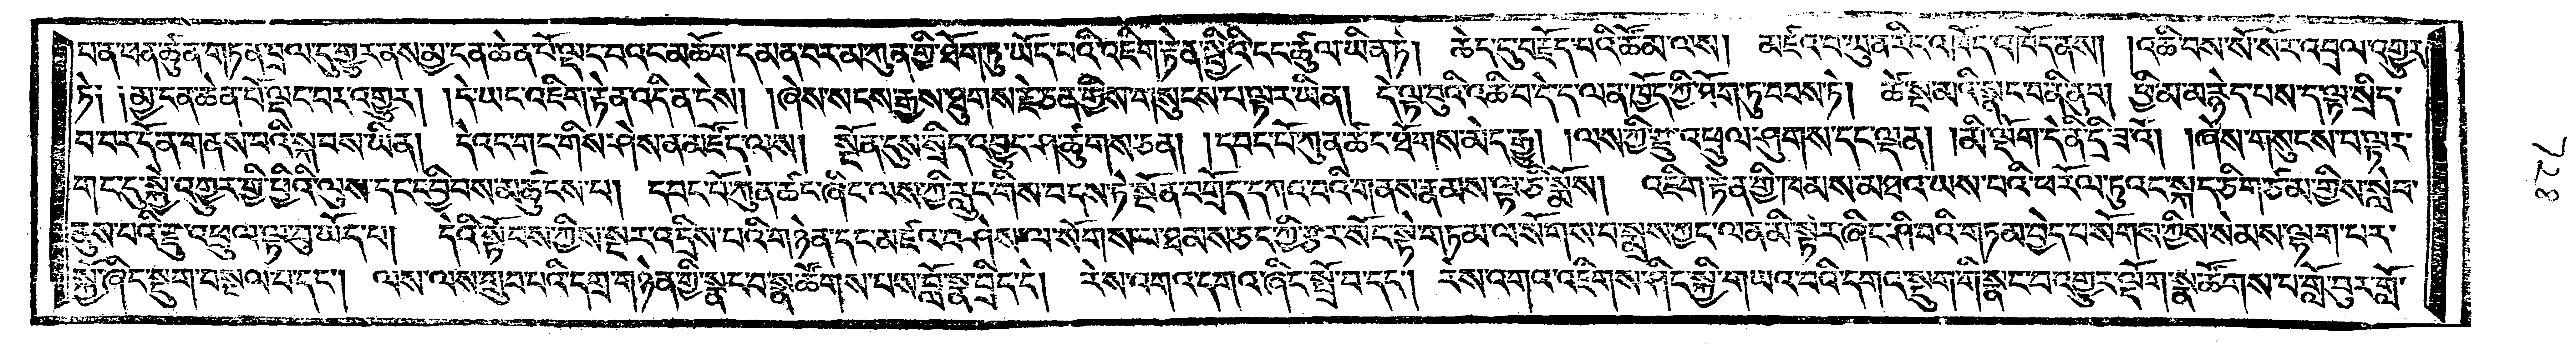པན་ཕན་ཚུན་གཏན་བྲལ་དུ་གྱུར་ནས་མྱ་ངན་ཆེན་པོ་ལྡང་བའང་མཆོག་དམན་བར་མ་ཀུན་གྱི་ཐོག་ཏུ་ཡོད་པའི་འཇིག་རྟེན་སྤྱིའི་ངང་ཚུལ་ཡིན་ཏེ། ཆེད་དུ་བརྗོད་པའི་ཚོམ་ལས། མཛའ་བ་ཡུན་རིང་འཁོད་འཁོད་ནས། །འཆི་བས་སོ་སོར་འབྲལ་འགྱུར་
ཏེ༑ ༑མྱ་ངན་ཆེན་པོ་ལྡང་བར་འགྱུར། །དེ་ཡང་འཇིག་རྟེན་འདི་ན་ངེས། །ཞེས་སངས་རྒྱས་ཐུགས་རྗེ་ཅན་གྱིས་གསུངས་པ་ལྟར་ཡིན། དེ་ལྟ་བུའི་འཆི་བ་དེ་ད་ལན་ཁྱོད་ཀྱི་ཐོག་ཏུ་བབས་ཏེ། ཚེ་སྔ་མའི་སྣང་བ་ནི་ནུབ། ཕྱི་མ་མ་རྙེད་པས་ད་ལྟ་སྲིད་
བ་བར་དོ་ན་གནས་བའི་སྐབས་ཡིན། དེའང་གང་གིས་ཤེས་ན་མཛོད་ལས། སྔོན་དུས་སྲིད་འབྱུང་ཤ་ཚུགས་ཅན། །དབང་པོ་ཀུན་ཚང་ཐོགས་མེད་རྒྱུ། །ལས་ཀྱི་རྫུ་འཕྲུལ་ཤུགས་དང་ལྡན། །མི་ལྡོག་དེ་ནི་དྲི་ཟའོ། །ཞེས་གསུངས་པ་ལྟར་
གང་དུ་སྐྱེ་འགྱུར་གྱི་ཕྱིའི་ལུས་དང་དབྱིབས་མཚུངས་པ། དབང་པོ་ཀུན་ཚང་ཞིང་ལས་ཀྱི་རླུང་གིས་པ་དས་ཏེ་སྔོན་བགྲོད་དཀའ་བའི་གནས་རྣམས་ལྟ་ཅི་སྨོས། འཇིག་རྟེན་གྱི་ཁམས་མཐའ་ཡས་པའི་ཕ་རོལ་ཏུའང་སྐད་ཅིག་ཙམ་གྱིས་སླེབ་
ནུས་པའི་རྫུ་འཕྲུལ་ལྟ་བུ་ཡོད་པ། དེའི་སྟོབས་ཀྱིས་སྔར་འདྲིས་པའི་གཉེན་དང་མཛའ་བཤེས་ལ་སོགས་པ་ཐམས་ཅད་ཀྱི་རྩར་སོང་སྟེ་གཏམ་ལ་སོགས་པ་སྨྲས་ཀྱང་ལན་མི་སྟེར་ཞིང་ཤི་བའི་གཏམ་བྱེད་པ་སོགས་ཀྱིས་སེམས་ལྷག་པར་
སྐྱོ་ཞིང་སྡུག་བསྔལ་བ་དང་། ལས་ལས་གྲུབ་པའི་དགྲ་གཉེན་གྱི་སྣང་བ་སྣ་ཚོགས་པས་བློ་སྣ་བྲིང་དེ། རེས་འགའ་དགའ་ཞིང་སྤྲོ་བ་དང་། རེས་འགའ་འཇིགས་ཤིང་སྐྱི་གཡའ་བའི་དགའ་སྡུག་གི་སྣང་བ་འགྱུར་ལྡོག་སྣ་ཚོགས་པ་གློ་བུར་གློ་